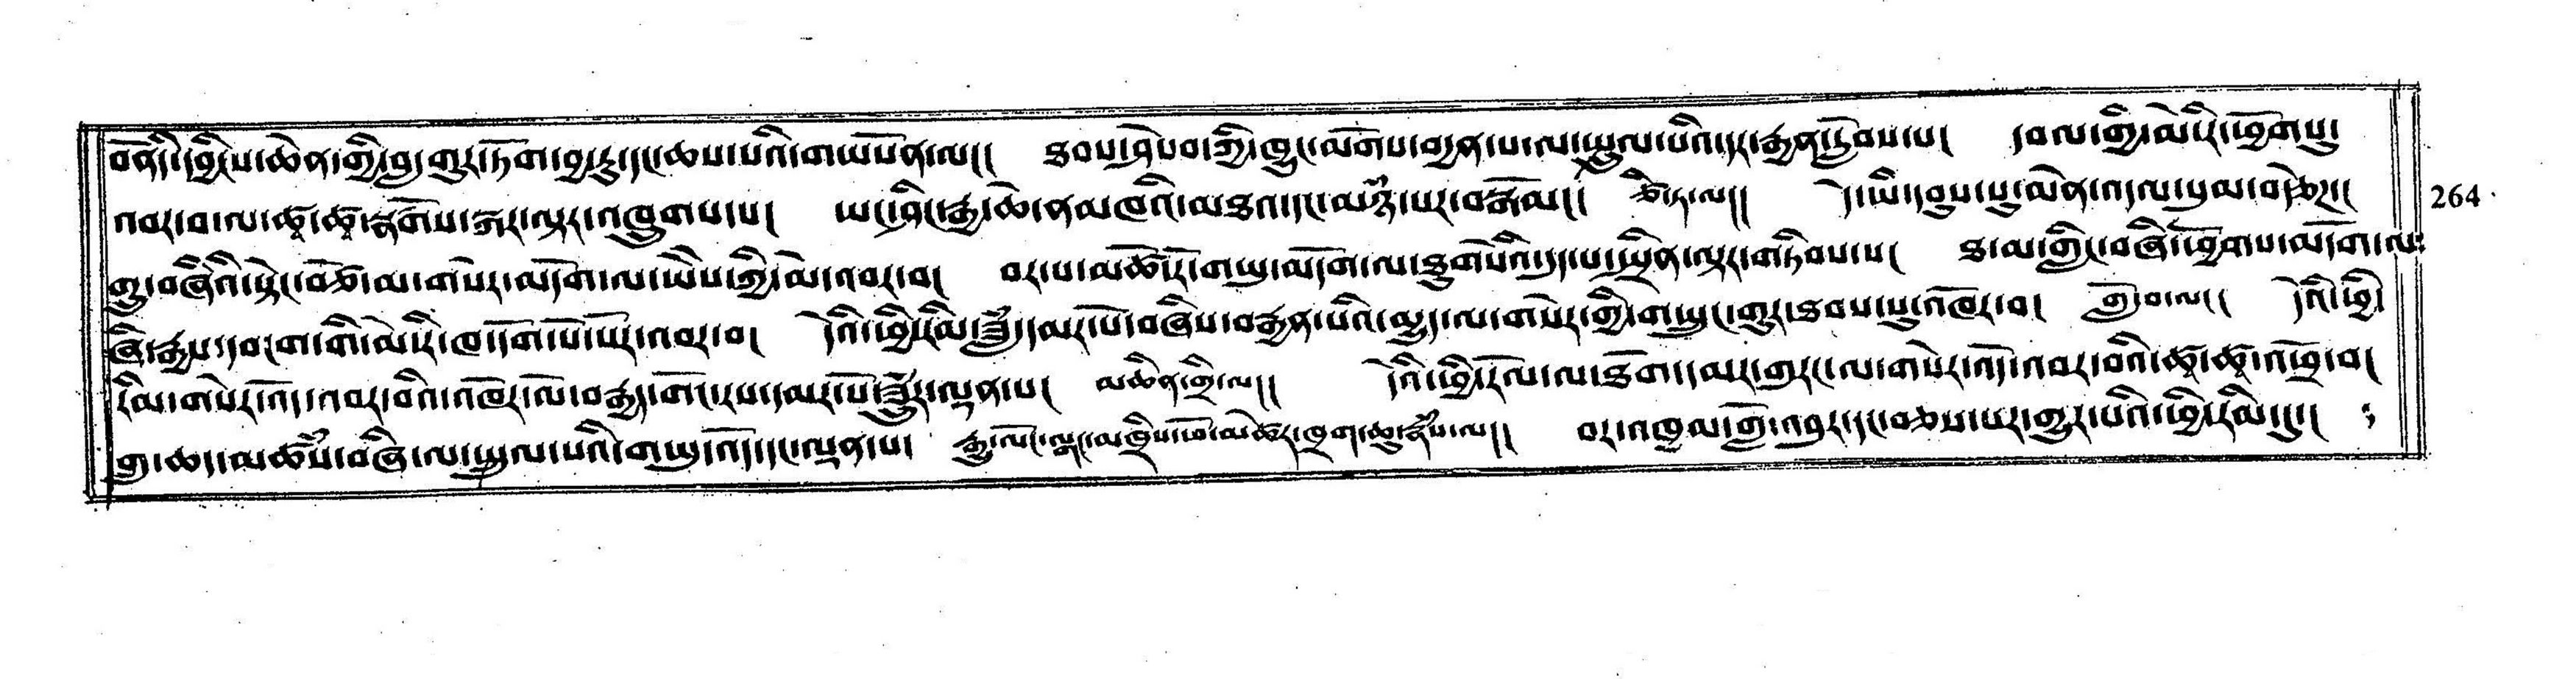བོན་ཉིད་དབྱིངས་ཆེན་གྱི་བླ་གུར་ཏོག་བྱ་རུ་དང་ཆས་པའི་གཡས་གཡོན་ལ།། ཐབས་ཤེས་རབ་ཀྱི་ཁྱུང་མགོས་བརྒྱན་པ་ལ་སྤྲུལ་པའི་དར་རྒྱན་རློབས་པ། དབལ་གྱི་མེ་རི་ཕྱོགས་སུ་
འབར་བ་ལ་ཚྭ་ཚྭ་སྣ་ཚོགས་སྐར་ལྟར་འཁྲུགས་པ། ཡང་ཤིང་རྒྱ་ཆེ་ནམ་མཁའི་མཐའ་དང་མཉམ་པར་བསྒོམ།། ཙི་ཏ་ལ།། དེ་ཡི་དབུས་སུ་མེན་འདལ་སུམ་བརྩེགས། 
གྲུ་བཞིའི་སྟེང་བཙོ་མ་གསེར་མདོག་ལ་ཡེ་ཤེས་ཀྱི་མེ་འབར་བ། བར་པ་མཚོ་རོ་གཡུ་མདོག་ལ་ཐུགས་རྗེའི་དུད་པ་སྤྲིན་ལྟར་གཏིབས་པ། ཐ་མ་གླིང་བཞི་ཕྱོགས་མདོག་ལ་
ཞི་རྒྱས་དབང་དྲག་གི་མེ་རི་ཁ་དོག་སོ་སོར་འབར་བ། དེའི་ཕྱི་རིམ་ཟླ་གམ་དམར་པོ་བཞིས་བརྒྱན་པའི་མ་རྒྱུད་ལ་གསེར་གྱི་གཡུང་དྲུང་གུར་ཐབས་སུ་འཁོར་བ། གློ་བ་ལ།། དེའི་ཕྱི་
རིམ་གསེར་འོད་འབར་བའི་འཁོར་ལོ་བརྒྱད་གོང་རས་དམར་པོ་ཟུར་གསུམ་ལྡན་པ། མཆིན་གྲི་ལ།། དེའི་ཕྱི་རོལ་ལ་ཐོག་དམར་གུར་ཁང་ལ་གསེར་འོད་འབར་བའི་ཚྭ་ཚྭ་འཕྲོ་བ། 
གྲུ་ཆད་མཚམས་བཞི་ལ་སྤྲུལ་པའི་གཡུ་འོད་དང་ལྡན་པ། རྒྱུ་ལོང་ལྒང་མཁྲིས་ཕོ་མཚེར་ཁྲག་ཆུ་རྣམས་ལ།། བར་འཁྱམ་གློ་འབུར་དང་བཅས་པར་གྱུར་པའི་ཕྱི་རིམ་དུ།